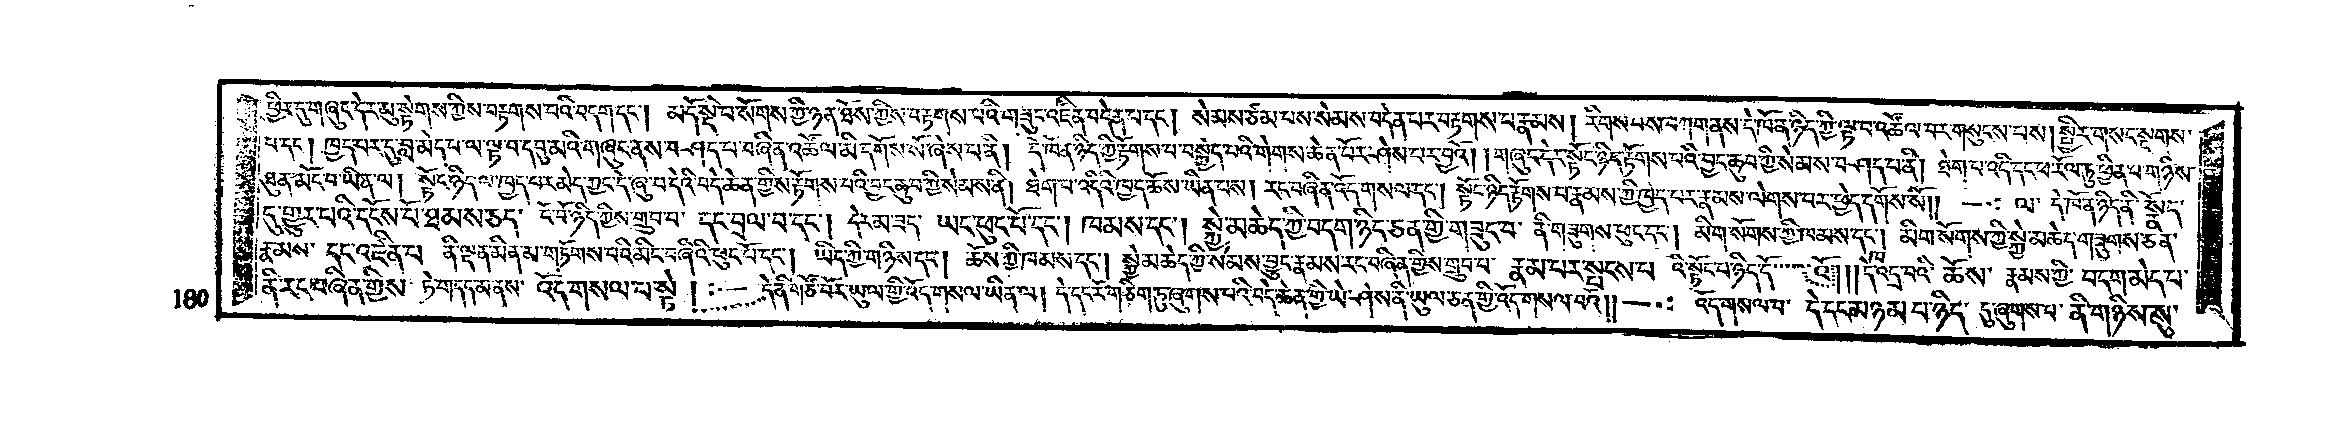ཕྱིར་དུ་གཞུང་དེར་མུ་སྟེགས་ཀྱིས་བརྟགས་པའི་བདག་དང་། མདོ་སྡེ་པ་སོགས་ཀྱི་ཉན་ཐོས་ཀྱིས་བརྟགས་པའི་གཟུང་འཛིན་བདེན་པ་དང་། སེམས་ཙམ་པས་སེམས་བདེན་པར་བརྟགས་པ་རྣམས། རིགས་པས་བཀག་ནས་དེ་ཁོ་ན་ཉིད་ཀྱི་ལྟ་བ་འཚེལ་བར་གསུངས་པས། སྤྱིར་གསང་སྔགས་
པ་དང་། ཁྱད་པར་དུ་བླ་མེད་པ་ལ་ལྟ་བ་དབུ་མའི་གཞུང་ནས་བཤད་པ་བཞིན་འཚོལ་མི་དགོས་སོ་ཞེས་པ་ནི། དེ་ཁོ་ན་ཉིད་ཀྱི་རྟོགས་པ་བསྐྱེད་པའི་གེགས་ཆེན་པོར་ཤེས་པར་བྱའོ། །གཞུང་དེར་སྟོང་ཉིད་རྟོགས་པའི་བྱང་ཆུབ་ཀྱི་སེམས་བཤད་པ་ནི། ཐེག་པ་འདི་དང་ཕ་རོལ་ཏུ་ཕྱིན་པ་གཉིས་
ཐུན་མོང་བ་ཡིན་ལ། སྟོང་ཉིད་ལ་ཁྱད་པར་མེད་ཀྱང་དེ་ཞུ་བདེའི་བདེ་ཆེན་གྱིས་རྟོགས་པའི་བྱང་ཆུབ་ཀྱི་སེམས་ནི། ཐེག་པ་འདིའི་ཁྱད་ཆོས་ཡིན་པས། རང་བཞིན་འོད་གསལ་དང་། སྟོང་ཉིད་རྟོགས་པ་རྣམས་ཀྱི་ཁྱད་པར་རྣམས་ལེགས་པར་ཕྱེད་དགོས་སོ།། .H ལ་དེ་ཁོ་ན་ཉིད་ནི་སྣོད་
དུ་གྱུར་པའི་དངོས་པོ་ཐམས་ཅད་ངོ་བོ་ཉིད་ཀྱིས་གྲུབ་པ་དང་བྲལ་བ་དང་། དེར་མ་ཟད་ཡང་ཕུང་པོ་དང་། ཁམས་དང་། སྐྱེ་མཆེད་ཀྱི་བདག་ཉིད་ཅན་གྱི་གཟུང་བ་ནི་གཟུགས་ཕུང་དང་། མིག་སོགས་ཀྱི་ཁམས་དང་། མིག་སོགས་ཀྱི་སྐྱེ་མཆེད་གཟུགས་ཅན་
རྣམས་དང་འཛིན་པ་ནི་ལྡན་མིན་མ་གཏོགས་པའི་མིང་བཞིའི་ཕུང་པོ་དང་། ཡིད་ཀྱི་གཉིས་དང་། ཆོས་ཀྱི་ཁམས་དང་། སྐྱེ་མཆེད་ཀྱི་སེམས་བྱུང་རྣམས་རང་བཞིན་གྱིས་གྲུབ་པ་རྣམ་པར་སྤངས་པའི་སྟོང་པ་ཉིད་དོ་འོ། ། ཁ་དེ་འདྲ་བའི་ཆོས་རྣམས་ཀྱི་བདག་མེད་པ་
ནི་རང་བཞིན་གྱིས་ཏེ་གདོད་མ་ནས་འོད་གསལ་བ་སྟེ། H.་དེ་ནི་གཙོ་བོར་ཡུལ་གྱི་འོད་གསལ་ཡིན་ལ། དེ་དང་རོ་གཅིག་ཏུ་ཞུགས་པའི་བདེ་ཆེན་གྱི་ཡེ་ཤེས་ནི་ཡུལ་ཅན་གྱི་འོད་གསལ་བའོ།། .H འོད་གསལ་བ་དེ་དང་མཉམ་པ་ཉིད་དུ་ཞུགས་པ་ནི་གཉིས་སུ་